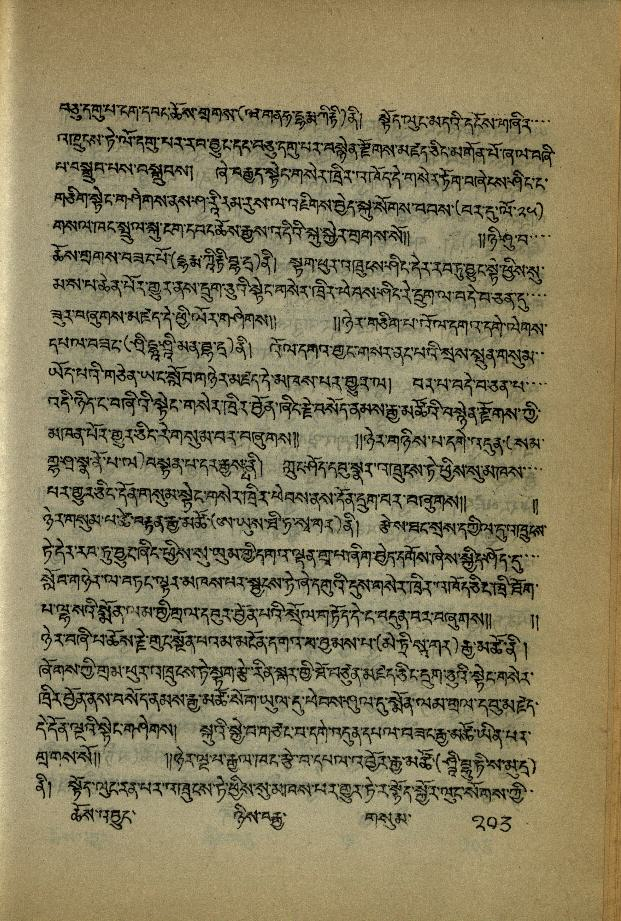བཅུ་དགུ་པ་ངག་དབང་ཆོས་གྲགས་་ཝ་གནཧ་དྷརྨ་ཀིརྟི་ནི། སྟོད་ལུང་མདའི་དངོས་གཞིར་
འཁྲུངས་ཏེ་ལོ་དགུ་པར་རབ་བྱུང་དང་བཅུ་དགུ་པར་བསྙེན་རྫོགས་མཛད་ཅིང་མགོན་པོ་ཞལ་བཞི་
པ་བསྒྲུབ་པས་བསྒྲུབས། ཞེ་བརྒྱད་སྟེང་གསེར་ཁྲིར་འཁོད་དེ་གསེར་ཏོག་བཞེངས་ཤིང་ང་
གཅིག་སྟེང་གཤེགས་ནས་ཤ་རཱི་རམ་རུས་ལ་འཇིགས་བྱེད་སྐུ་སོགས་བབས་་བར་དུ་ལོ ༢༥་
གསལ་ཁང་སྤྲུལ་སྐུ་ངག་དབང་ཆོས་རྒྱས་འདིའི་སྐུ་སྐྱེར་གྲགས་སོ།། །།ཉི་ཤུ་བ་
ཆོས་གྲགས་བཟང་པོ་དྷརྨ་ཀཱིརྟི་བྷ་དྲ་ནི། སྟག་ཕུར་འཁྲུངས་ཤིང་དེར་རབ་ཏུ་བྱུང་སྟེ་ཕྱིས་སུ་
མས་པ་ཆེན་པོར་གྱུར་ནས་དྲུག་ཅུའི་སྟེང་གསེར་ཁྲིར་ཕེབས་ཤིང་རེ་དྲུག་ལ་བདེ་བ་ཅན་དུ་
ཟུར་བཞུགས་མཛད་དེ་ཕྱི་ལོར་གཤེགས།། །།ཉེར་གཅིག་པ་འོ་ལ་དགའ་དགེ་ལེགས་
དཔལ་བཟང་ཤྲིདྷཱ་ཤྲཱི་མན་བྷ་དྲ་ནི། འོལ་དགའ་གྱང་གསར་ནང་པའི་སྲས་སྤུན་གསུམ་
ཡོད་པའི་གཅེན་ཡང་སློབ་གཉེར་མཛད་དེ་མཁས་པར་གྱུར་ལ། བར་པ་བདེ་བ་ཅན་པ་
འདི་ཉིད་ང་བཞིའི་སྟེང་གསེར་ཁྲིར་བྱོན་ཞིང་རྗེ་བསོད་ནམས་རྒྱ་མཚོའི་བསྙེན་རྫོགས་ཀྱི་
མཁན་པོར་གྱུར་ཅིང་རེ་གསུམ་བར་བཞུགས།། །།ཉེར་གཉིས་པ་དགེ་འདུན་སམ་
གྷ་ཤྲ་སྣ་ནོ་པ་ལ་བསྟན་པ་དར་རྒྱས་པ་ནི། ཀླུང་ཤོད་དབུ་སྣར་འཁྲུངས་ཏེ་ཕྱིས་སུ་མཁས་
པར་གྱུར་ཅིང་དོན་གསུམ་སྟེང་གསེར་ཁྲིར་ཕེབས་ནས་དོན་དྲུག་བར་བཞུགས།། །།
ཉེར་གསུམ་པ་ཚེ་བརྟན་རྒྱ་མཚོ་་ཨ་ཡུས་ཐི་ཏ་སྭ་གར་ནི། རྩེས་ཐང་སྲས་དཀྱིལ་དུ་འཁྲུངས་
ཏེ་དེར་རབ་ཏུ་བྱུང་ཞིང་ཕྱིས་སུ་ཡུམ་གྱི་དགའ་ལྡན་གྲྭ་པ་ཞིག་བྱེད་དགོས་ཞེས་སྐྱིད་ཤོད་དུ་
སློབ་གཉེར་ལ་བཏང་ལྟར་མཁས་པར་སྦྱངས་ཏེ་ཞེ་དགུའི་དུས་གསེར་ཁྲིར་འཁོད་ཅིང་ཁྲི་ཐོག་
པ་ལྷ་སའི་སྨོན་ལམ་གྱི་གྲལ་དབུར་བྱོན་པའི་སྲོལ་གཏོད་དེ་ང་བདུན་བར་བཞུགས།། །།
ཉེར་བཞི་པ་ཆོས་རྗེ་གུང་སྔོན་པའམ་མངོན་དགའ་བ་བྱམས་པ་་མེ་ཏྲི་སཱ་གར་རྒྱ་མཚོ་ནི།
ཞོགས་ཀྱི་གྲམ་ཕུར་འཁྲུངས་ཏེ་སྟག་རྩེ་རིན་སྒར་གྱི་ཐོ་བཙུན་མཛད་ཅིང་དྲུག་ཅུའི་སྟེང་གསེར་
ཁྲིར་བྱོན་ནས་བསོད་ནམས་རྒྱ་མཚོ་སོག་ཡུལ་དུ་ཕེབས་ཤུལ་དུ་སྨོན་ལམ་གྲལ་དབུ་མཛད་
དེ་དོན་ལྔའི་སྟེང་གཤེགས། སྐུའི་སྐྱེ་བ་གཙང་བ་དགེ་འདུན་དཔལ་བཟང་རྒྱ་མཚོ་ཡིན་པར་
གྲགས་སོ།། །།ཉེར་ལྔ་པ་རྒྱལ་ཁང་རྩེ་བ་དཔལ་འབྱོར་རྒྱ་མཚོ་ཤྲཱི་བྷུ་ཏི་ས་མུ་དྲ
ནི། སྟོད་ལུང་རན་པར་འཁྲུངས་ཏེ་ཕྱིས་སུ་མཁས་པར་གྱུར་ཏེ་ར་སྟོད་སྐྱོར་ལུང་སོགས་ཀྱི་